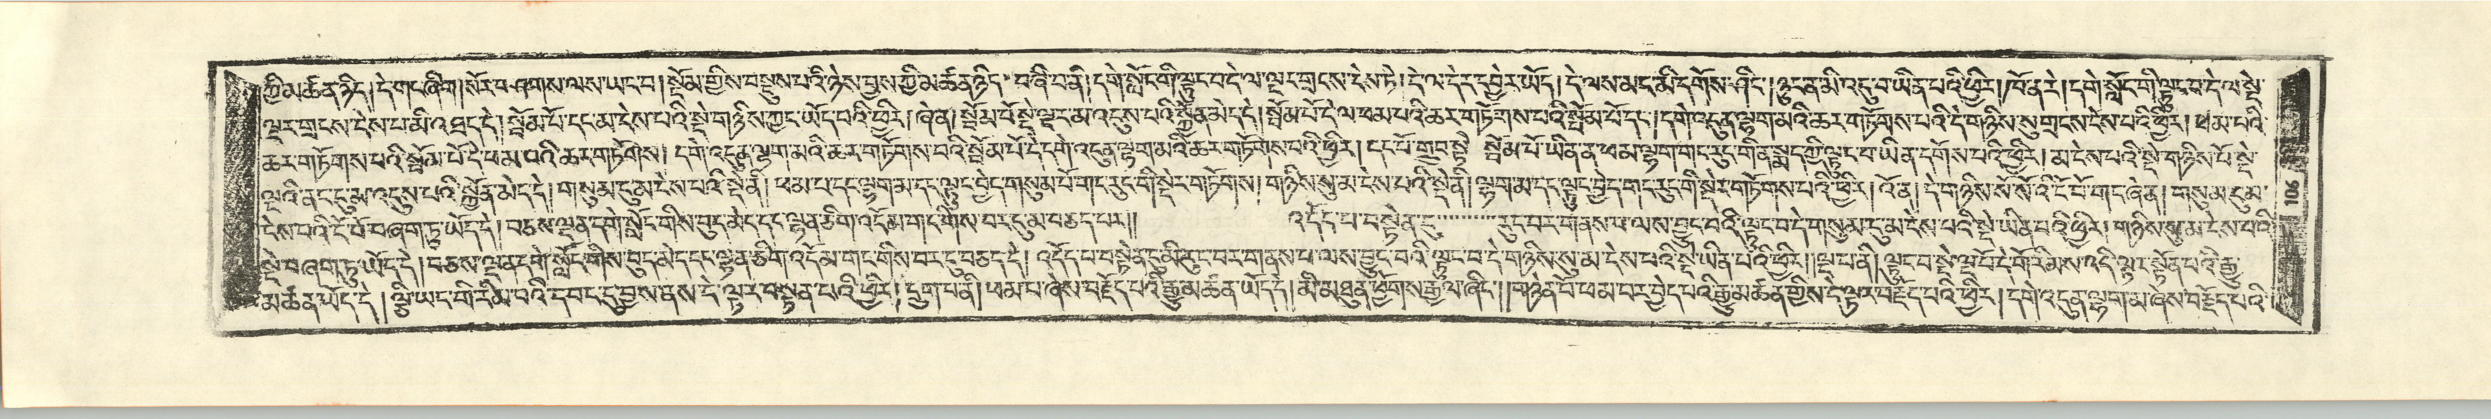ཀྱི་མཚན་ཉིད། དེ་གང་ཞིག །སོར་བཤགས་ལས་ཡང་བ། སྡོམ་གྱིས་བསྡུས་པའི་ཉེས་བྱས་ཀྱི་མཚན་ཉིད་བཞི་པ་ནི། དགེ་སློང་གི་ལྟུང་བ་དེ་ལ་ལྔར་གྲངས་ངེས་ཏེ། དེ་ལ་དེར་དབྱེར་ཡོད། དེ་ལས་མང་མི་དགོས་ཤིང་།ཉུང་ན་མི་འདུ་བ་ཡིན་པའི་ཕྱིར། ཁོ་ན་རེ། དགེ་སློང་གི་ལྟུང་བ་དེ་ལ་སྡེ་
ལྔར་གྲངས་ངེས་པ་མི་འཐད་དེ། སྤོམ་པོ་དང་མ་ངེས་པའི་སྡེ་གཉིས་ཀྱང་ཡོད་པའི་ཕྱིར། ཞེ་ན། སྦོམ་པོ་སྡེ་ལྔར་མ་འདུས་པའི་སྐྱོན་མེད་དེ། སྦོམ་པོ་དེ་ལ་ཕམ་པའི་ཆར་གཏོགས་པའི་སྦོམ་པོ་དང་། དགེ་འདུན་ལྷག་མའི་ཆར་གཏོགས་པའི་དེ་གཉིས་སུ་གྲངས་ངེས་པའི་ཕྱིར། ཕམ་པའི་
ཆར་གཏོགས་པའི་སྦོམ་པོ་དེ་ཕམ་པའི་ཆར་གཏོགས། དགེ་འདུན་ལྷག་མའི་ཆར་གཏོགས་པའི་སྦོམ་པོ་དེ་དགེ་འདུན་ལྷག་མའི་ཆར་གཏོགས་པའི་ཕྱིར། དང་པོ་གྲུབ་སྟེ་སྦོམ་པོ་ཡིན་ན་ཕམ་ལྷག་གང་རུང་གི་ན་སྨད་ཀྱི་ལྟུང་བ་ཡིན་དགོས་པའི་ཕྱིར། མ་ངེས་པའི་སྡེ་གཉིས་པོ་སྡེ་
ལྔའི་ནང་དུ་མ་འདུས་པའི་སྐྱོན་མེད་དེ། གསུམ་དུ་མ་ངེས་པའི་སྡེ་ནི། ཕམ་པ་དང་ལྷག་མ་དང་ལྟུང་བྱེད་གསུམ་པོ་གང་རུང་གི་སྡེར་གཏོགས། གཉིས་སུ་མ་ངེས་པའི་སྡེ་ནི། ལྷག་མ་དང་ལྟུང་བྱེད་གང་རུང་གི་སྡེར་གཏོགས་པའི་ཕྱིར། འོ་ན། དེ་གཉིས་སོ་སོའི་ངོ་བོ་གང་ཞེ་ན། གསུམ་དུ་མ་
ངེས་པའི་ངོ་བོ་བཞག་ཏུ་ཡོད་དེ། བཅས་ལྡན་དགེ་སློང་གིས་བུད་མེད་དང་ལྷན་ཅིག་འདོམ་གང་གིས་བར་དུ་མ་བཅད་པར།། འདོད་པ་བསྟེན་དུ་རུང་བར་གནས་པ་ལས་བྱུང་བའི་ལྟུང་བ་དེ་གསུམ་དུ་མ་ངེས་པའི་སྡེ་ཡིན་པའི་ཕྱིར། གཉིས་སུ་མ་ངེས་པའི་
སྡེ་བཞག་ཏུ་ཡོད་དེ། བཅས་ལྡན་དགེ་སློང་གིས་བུད་མེད་དང་ལྷན་ཅིག་འདོམ་གང་གིས་བར་དུ་བཅད་དེ། འདོད་པ་བསྟེན་དུ་མི་རུང་བར་གནས་པ་ལས་བྱུང་བའི་ལྟུང་བ་དེ་གཉིས་སུ་མ་ངེས་པའི་སྡེ་ཡིན་པའི་ཕྱིར། །ལྔ་པ་ནི། ལྟུང་བ་སྡེ་ལྔ་པོ་དེ་གོ་རིམས་འདི་ལྟར་སྟོན་པའི་རྒྱུ་
མཚན་ཡོད་དེ། ལྕི་ཡང་གི་རིམ་པའི་དབང་དུ་བྱས་ནས་དེ་ལྟར་བསྟན་པའི་ཕྱིར། དྲུག་པ་ནི། ཕམ་པ་ཞེས་བརྗོད་པའི་རྒྱུ་མཚན་ཡོད་དེ། མི་མཐུན་ཕྱོགས་རྒྱལ་ཞིང་། །གཉེན་པོ་ཕམ་པར་བྱེད་པའི་རྒྱུ་མཚན་གྱིས་དེ་ལྟར་བརྗོད་པའི་ཕྱིར། དགེ་འདུན་ལྷག་མ་ཞེས་བརྗོད་པའི་